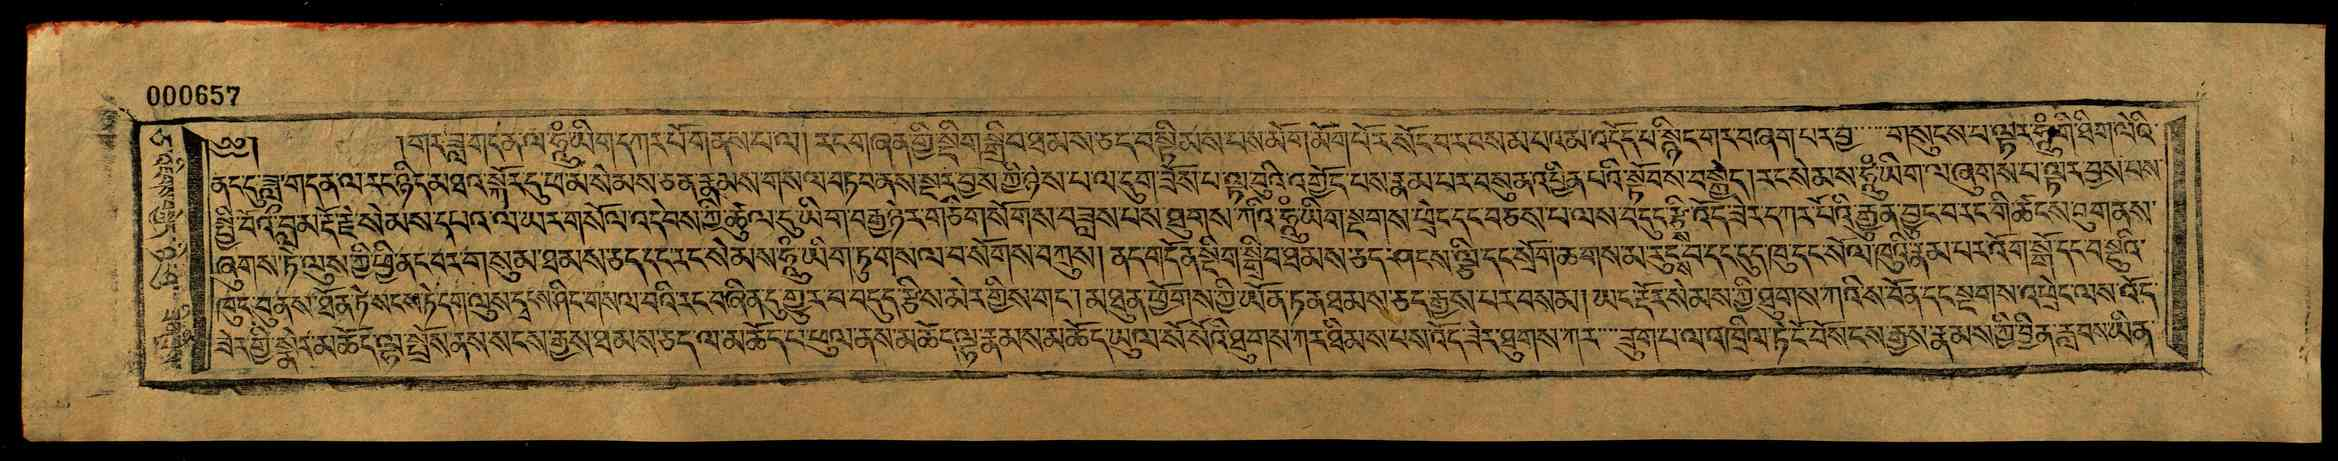༄༅། །གར་ཟླ་གདན་ལ་ཧཱུཾ་ཡིག་དཀར་པོ་གནས་པ་ལ། རང་གཞན་གྱི་སྡིག་སྒྲིབ་ཐམས་ཅད་བསྟིམས་པས་མོག་མོག་པོར་སོང་བར་བསམ་པའམ་འདོད་པ་སྙིང་གར་བཞག་པར་བྱ་གསུངས་པ་ལྟར་ཧཱུཾ་གི་ཐིག་ལེའི་
ནང་དུ་ཟླ་གདན་ལ་རང་ཉིད་མཐའ་སྐོར་དུ་ཕ་མ་སེམས་ཅན་རྣམས་གསལ་བཏབ་ནས་སྔར་བྱས་ཀྱི་ཉེས་པ་ལ་དུག་ཟོས་པ་ལྟ་བུའི་འགྱོད་པས་རྣམ་པར་བསུན་འབྱིན་པའི་སྟོབས་བསྐྱེད། རང་སེམས་ཧཱུཾ་ཡིག་ལ་ཞུགས་པ་ལྟར་བྱས་པས་
སྤྱི་བོའི་བླ་མ་རྡོ་རྗེ་སེམས་དཔའ་ལ་ཡར་གསོལ་འདེབས་ཀྱི་ཚུལ་དུ་ཡིག་བརྒྱ་ཉེར་གཅིག་སོགས་བཟླས་པས་ཐུགས་ཀའི་ཧཱུཾ་ཡིག་སྔགས་ཕྲེང་དང་བཅས་པ་ལས་བདུད་རྩིས་འོད་ཟེར་དཀར་པོའི་རྒྱུན་བྱུང་བ་རང་གི་ཚངས་བུག་ནས་
ཞུགས་ཏེ་ལུས་ཀྱི་ཕྱི་ནང་བར་གསུམ་ཐམས་ཅད་དང་རང་སེམས་ཧཱུཾ་ཡིག་ཏུ་གསལ་བ་སོགས་བཀྲུས། ནད་གདོན་སྡིག་སྒྲིབ་ཐམས་ཅད་ཤངས་ལྕི་དང་སྲོག་ཆགས་མ་རུངས་པ་དང་དུད་ཁུ་དང་སོལ་ཁུའི་རྣམ་པར་འོག་སྒོ་དང་བ་སྤུའི་
ཁུང་བུ་ནས་ཐོན་ཏེ་སངས་ཏེ་དག་ལུས་དྭངས་ཤིང་གསལ་བའི་རང་བཞིན་དུ་གྱུར་པ་བདུད་རྩིས་མེར་གྱིས་གང་། མཐུན་ཕྱོགས་ཀྱི་ཡོན་ཏན་ཐམས་ཅད་རྒྱས་པར་བསམ། ཡང་རྡོར་སེམས་ཀྱི་ཐུགས་ཀའི་ས་བོན་དང་སྔགས་འཕྲེང་ལས་འོད་
ཟེར་གྱི་སྣེར་མཆོད་ལྷ་སྤྲོས་ནས་སངས་རྒྱས་ཐམས་ཅད་ལ་མཆོད་པ་ཕུལ་ནས་མཆོད་ལྷ་རྣམས་མཆོད་ཡུལ་སོ་སོའི་ཐུགས་ཀར་ཐིམས་པས་འོད་ཟེར་ཐུགས་ཀར་ཟུག་པ་ལ་འཁྲིལ་ཏེ་ངོ་བོ་སངས་རྒྱས་རྣམས་ཀྱི་བྱིན་རླབས་ཡིན་